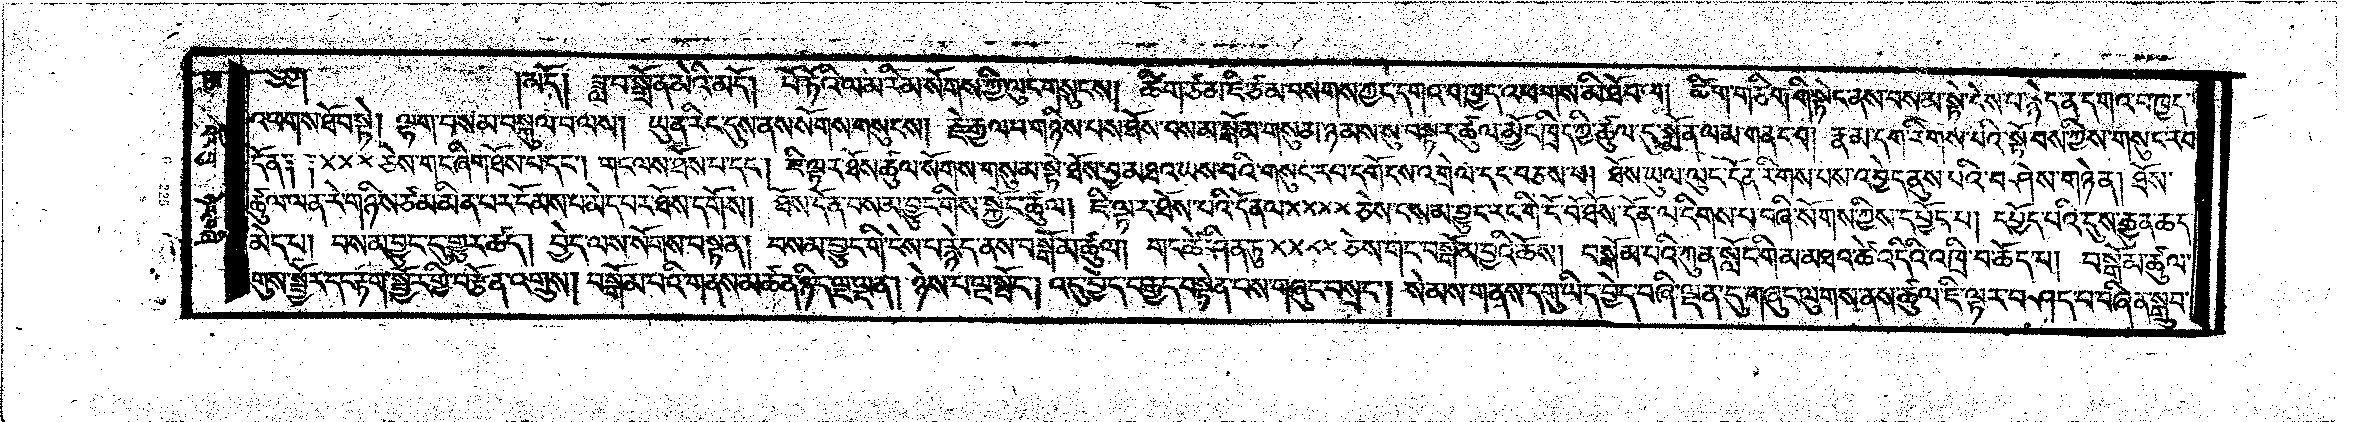༄༅། །མདོ། ཟླ་བ་སྒྲོན་མེའི་མདོ། པོ་ཏོའི་ལམ་རིམ་སོགས་ཀྱི་ལུང་གསུངས། ཚིག་ཙམ་ཇི་ཙམ་བསགས་ཀྱང་དགའ་བ་ཁྱད་འཕགས་མི་ཐོབ་ལ། ཚིག་གཅིག་གི་སྟེང་ནས་བསམ་སྟེ་ངེས་པ་རྙེད་ན་དགའ་བ་ཁྱད་
འཕགས་ཐོབ་སྟེ། ལྷག་བསམ་བསྐུལ་བ་ལས། ཡུན་རིང་དུས་ནས་སོགས་གསུངས། རྗེ་རྒྱལ་པ་གཉིས་པས་ཐོས་བསམ་སྒོམ་གསུམ་ཉམས་སུ་བསྟར་ཚུལ་མྱོང་ཁྲིད་ཀྱི་ཚུལ་དུ་སྨོན་ལམ་གནང་བ། རྣམ་དག་རིགས་པའི་སྟོབས་ཀྱིས་གསུང་རབ་
དོན༑ ༑྾྾྾་ཅེས་གང་ཞིག་ཐོས་པ་དང་། གང་ལས་ཐོས་པ་དང་། ཇི་ལྟར་ཐོས་ཚུལ་སོགས་གསུམ་སྟེ་ཐོས་བྱ་མཐའ་ཡས་བའི་གསུང་རབ་དགོངས་འགྲེལ་དང་བཅས་པ། ཐོས་ཡུལ་ལུང་དོན་རིགས་པས་འབྱེད་ནུས་པའི་བཤེས་གཉེན། ཐོས་
ཚུལ་ལན་རེ་གཉིས་ཙམ་མིན་པར་ངོམས་པ་མེད་པར་ཐོས་དགོས། ཐོས་དོན་བསམ་བྱུང་གིས་སྐྱོང་ཚུལ། ཇི་ལྟར་ཐོས་པའི་དོན་ལ་྾྾྾་ཅེས་ངས་མ་བྱུང་རང་གི་ངོ་བོ་ཐོས་དོན་ལ་རིགས་པ་བཞི་སོགས་ཀྱིས་དཔྱོད་པ། དཔྱོད་པའི་དུས་རྒྱུན་ཆད་
མེད་པ། བསམ་བྱུང་དུ་གྱུར་ཚད། བྱེད་ལས་སོགས་བསྟན། བསམ་བྱུང་གི་ངེས་པ་རྙེད་ནས་བསྒོམ་ཚུལ། གང་ཚེ་ཤིན་ཏུ་྾྾྾་ཅེས་གང་བསྒོམ་བྱའི་ཆོས། བསྒོམ་བའི་ཀུན་སློང་གི་མ་མཐའ་ཚེ་འདིའི་འཁྲི་བ་ཆོད་པ། བསྒོམ་ཚུལ་
གུས་སྦྱོར་དང་རྟག་སྦྱོར་གྱི་བརྩོན་འགྲུས། བསྒོམ་པའི་གནས་མཚན་ཉིད་ལྔ་ལྡན། ཉེས་པ་ལྔ་སྤོང་། འདུ་བྱེད་བརྒྱད་བསྟེན་པས་གཞུང་བསྲང་། སེམས་གནས་དགུ་ཡིད་བྱེད་བཞི་ལྡན་དུ་གཞུང་ལུགས་ནས་ཚུལ་ཇི་ལྟར་བཤད་པ་བཞིན་སྒྲུབ་